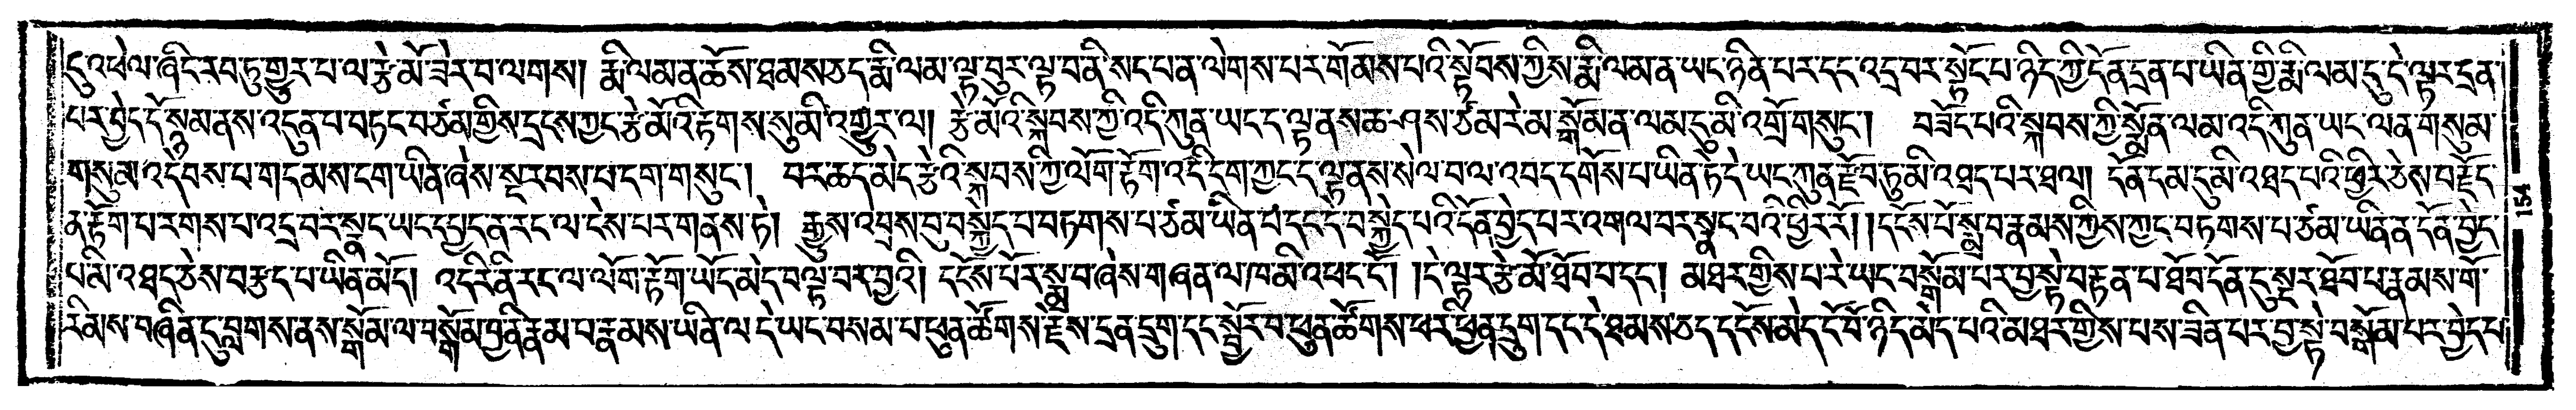དུ་འཕེལ་ཞིང་རབ་ཏུ་གྱུར་པ་ལ་རྩེ་མོ་ཟེར་བ་ལགས། རྨི་ལམ་ན་ཆོས་ཐམས་ཅད་རྨི་ལམ་ལྟ་བུར་ལྟ་བ་ནི་སང་པ་ན་ལེགས་པར་གོམས་པའི་སྟོབས་ཀྱིས་རྨི་ལམ་ན་ཡང་ཉིན་པར་དང་འདྲ་བར་སྟོང་པ་ཉིད་ཀྱི་དོན་དྲན་པ་ཡིན་གྱི་རྨི་ལམ་དུ་དེ་ལྟར་དྲན་
པར་བྱེད་དོ་སྙམ་ནས་འདུན་པ་བཏང་བ་ཙམ་གྱིས་དྲངས་ཀྱང་རྩེ་མོའི་རྟགས་སུ་མི་འགྱུར་ལ། རྩེ་མོའི་སྐབས་ཀྱི་འདི་ཀུན་ཡང་ད་ལྟ་ནས་ཆ་ཤས་ཙམ་རེ་མ་སྒོམ་ན་ལམ་དུ་མི་འགྲོ་གསུང་། བཟོད་པའི་སྐབས་ཀྱི་སྨོན་ལམ་འདི་ཀུན་ཡང་ལན་གསུམ་
གསུམ་འདེབས་པ་གདམས་ངག་ཡིན་ཞེས་སྔ་རབས་པ་དག་གསུང་། བར་ཆད་མེད་རྩེའི་སྐབས་ཀྱི་ལོག་རྟོག་འདི་དག་ཀྱང་ད་ལྟ་ནས་སེལ་བ་ལ་འབད་དགོས་པ་ཡིན་ཏེ་དེ་ཡང་ཀུན་རྫོབ་ཏུ་མི་འཐད་པར་ཐལ། དོན་དམ་དུ་མི་འཐད་པའི་ཕྱིར་ཅེས་བརྗོད་
ན་རྟོག་པ་རགས་པ་འདྲ་བར་སྣང་ཡང་དཔྱད་ན་རང་ལ་ངེས་པར་གནས་ཏེ། རྒྱུས་འབྲས་བུ་བསྐྱེད་པ་བཏགས་པ་ཙམ་ཡིན་པ་དང་དེ་བསྐྱེད་པའི་དོན་བྱེད་པར་འགལ་བར་སྣང་བའི་ཕྱིར་རོ། །དངོས་པོ་སྨྲ་བ་རྣམས་ཀྱིས་ཀྱང་བཏགས་པ་ཙམ་ཡིན་ན་དོན་བྱེད་
པ་མི་འཐད་ཅེས་བརྩད་པ་ཡིན་མོད། འདིར་ནི་རང་ལ་ལོག་རྟོག་ཡོད་མེད་བལྟ་བར་བྱའི། དངོས་པོར་སྨྲ་བ་ཞེས་གཞན་ལ་ཁ་མི་འཕང་ངོ། །དེ་ལྟར་རྩེ་མོ་ཐོབ་པ་དང་། མཐར་གྱིས་པ་རེ་ཡང་བསྒོམ་པར་བྱ་སྟེ་བརྟན་པ་ཐོབ་དོན་དུ་སྔར་ཐོབ་པ་རྣམས་གོ་
རིམས་བཞིན་དུ་བླགས་ནས་སྒོམ་ལ་བསྒོམ་བྱ་ནི་རྣམ་པ་རྣམས་ཡིན་ལ་དེ་ཡང་བསམ་པ་ཕུན་ཚོགས་རྗེས་དྲན་དྲུག་དང་སྦྱོར་བ་ཕུན་ཚོགས་ཕར་ཕྱིན་དྲུག་དང་དེ་ཐམས་ཅད་དངོས་མེད་ངོ་བོ་ཉིད་མེད་པའི་མཐར་གྱིས་པས་ཟིན་པར་བྱ་སྟེ་བསྒོམ་པར་བྱེད་པ་